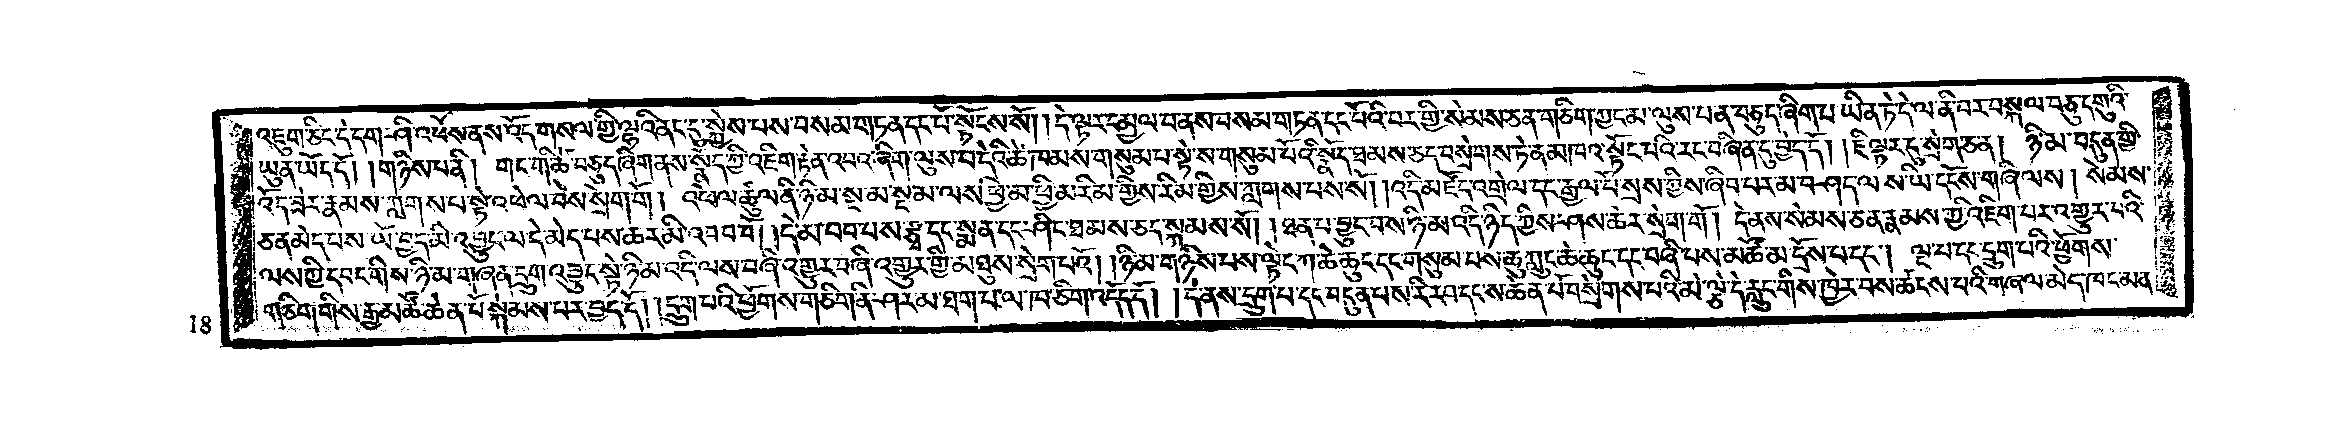འཇུག་ཅིང་དེ་དག་ཤི་འཕོས་ནས་འོད་གསལ་གྱི་ལྷའི་ནང་དུ་སྐྱེས་པས་བསམ་གཏན་དང་པོ་སྟོངས་སོ། །དེ་ལྟར་དམྱལ་བ་ནས་བསམ་གཏན་དང་པོའི་བར་གྱི་སེམས་ཅན་གཅིག་ཀྱང་མ་ལུས་པ་ན་བཅུད་ཞིག་པ་ཡིན་ཏེ་དེ་ལ་ནི་བར་བསྐལ་བཅུ་དགུའི་
ཡུན་ཡོད་དེ། །གཉིས་པ་ནི། གང་གི་ཚེ་བཅུད་ཞིག་ནས་སྣོད་ཀྱི་འཇིག་རྟེན་འབའ་ཞིག་ལུས་པ་དེའི་ཚེ་ཁམས་གསུམ་པ་སྟེ་ས་གསུམ་པོའི་སྣོད་ཐམས་ཅད་བསྲེགས་ཏེ་ནམ་མཁའ་སྟོང་པའི་རང་བཞིན་དུ་བྱེད་དོ། །ཇི་ལྟར་དུ་སྲེག་ཅ་ན། ཉི་མ་བདུན་གྱི་
འོད་ཟེར་རྣམས་ཀླགས་པ་སྟེ་འཕེལ་བས་སྲེག་གོ །འཕེལ་ཚུན་ནི་ཉི་མ་སྔ་མ་སྔ་མ་ལས་ཕྱི་མ་ཕྱི་མ་རིམ་གྱིས་རིམ་གྱིས་ཀླགས་པས་སོ། །འདི་མཛོད་འགྲེལ་དང་རྒྱལ་པོ་སྲས་ཀྱིས་ཞིབ་པར་མ་བཤད་ལ་ས་ཡི་དངོས་གཞི་ལས། སེམས་
ཅན་མེད་པས་ཡོ་བྱད་མི་འབྱུང་ལ་དེ་མེད་པས་ཆར་མི་འབབ་བོ། །དེ་མ་བབ་པས་རྩྭ་དང་སྨན་དང་ཤིང་ཐམས་ཅད་སྐམས་སོ། །ཐན་པ་བྱུང་བས་ཉི་མ་འདི་ཉིད་ཀྱིས་ཤས་ཆེར་སྲེག་གོ །དེ་ནས་སེམས་ཅན་རྣམས་ཀྱི་འཇིག་པར་འགྱུར་པའི་
ལས་ཀྱི་དབང་གིས་ཉི་མ་གཞན་དྲུག་འབྱུང་སྟེ་ཉི་མ་འདི་ལས་བཞི་འགྱུར་བཞི་འགྱུར་གྱི་མཐུས་སྲེག་པའོ། །ཉི་མ་གཉིས་པས་ལྟེང་ཀ་ཆེ་ཆུང་དང་གསུམ་པས་ཆུ་ཀླུང་ཆེ་ཆུང་དང་བཞི་པས་མཚོ་མ་དྲོས་པ་དང་། ལྔ་པ་དང་དྲུག་པའི་ཕྱོགས་
གཅིག་གིས་རྒྱ་མཚོ་ཆེན་པོ་སྐམས་པར་བྱེད་དོ། །དྲུག་པའི་ཕྱོགས་གཅིག་ནི་ཤར་མ་ཐག་པ་ལ་ཁ་ཅིག་འདོད་དོ། །དེ་ནས་དྲུག་པ་དང་བདུན་པས་རི་རབ་དང་ས་ཆེན་པོ་བསྲེགས་པའི་མེ་ལྕེ་དེ་རླུང་གིས་ཁྱེར་བས་ཚངས་པའི་གཞལ་མེད་ཁང་མན་